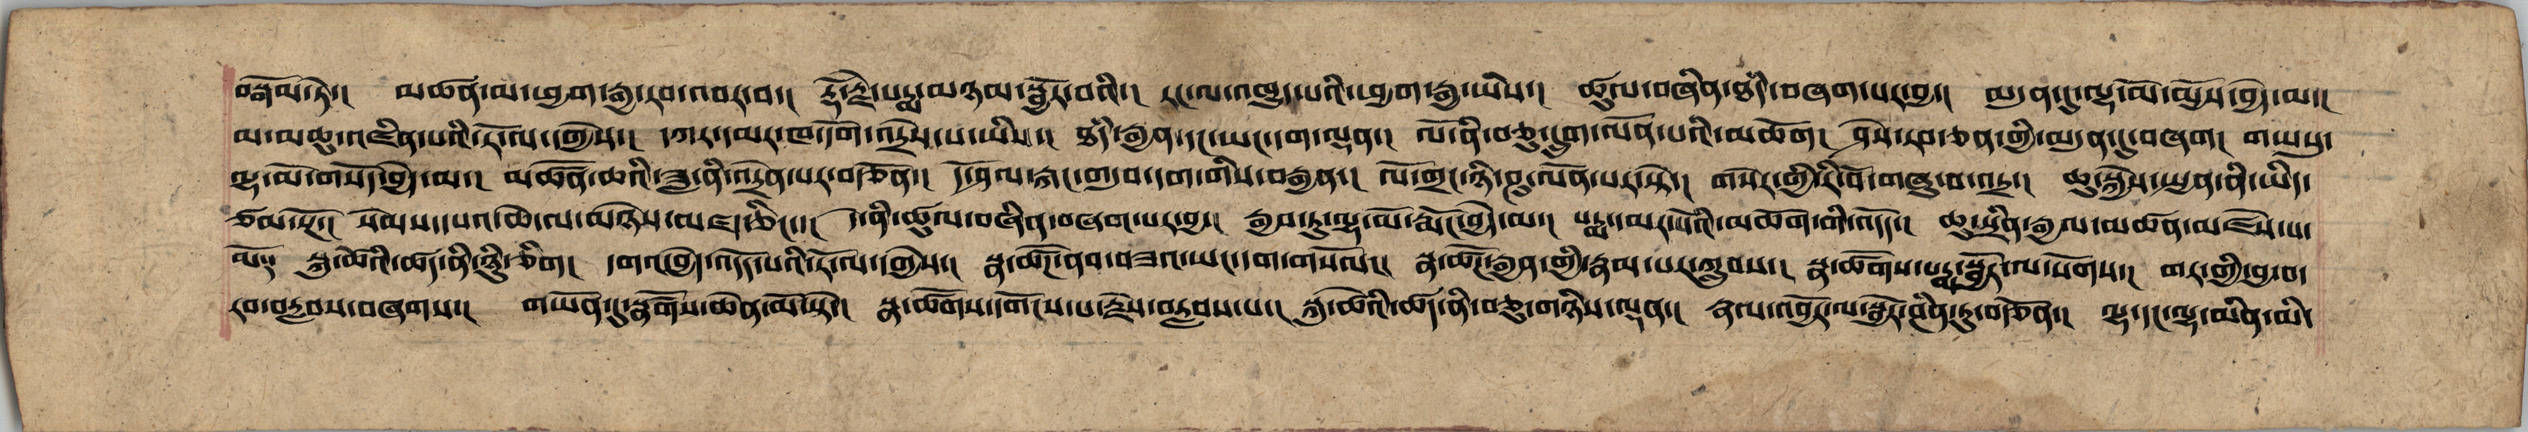བསྒོམ་ཏེ་། མཚན་མ་ཕྱག་རྒྱ་རབ་འབར་བ་། རྡཽ་རྗེ་པདྨ་མཉམ་སྦྱོར་བའི་། རང་ལ་འཁྱུད་པའི་ཕྱག་རྒྱ་ཡིས་། ཚུལ་བཞིན་ཐམས་ཅད་བཞག་པར་བྱ་། མདུན་དུ་ལྷ་མོ་མྱོས་བྱེད་མ་།
མ་མཆུ་འཛིན་པའི་རོ་ལ་དགྱེས་། དཀར་དམར་ཁ་དོག་འདྲེས་པ་ཡིས་། ཐཾད་རྒྱན་དང་ཡང་དག་ལྡན་། ལོ་ནི་བཅུ་དྲུག་ལོན་པའི་མཆོག། ཤེས་རབ་ཅན་གྱི་མདུན་དུ་བཞག། གཡསུ་
ལྷ་མོ་གསོད་བྱེད་མ་། མཚོན་ཆའི་ཟླ་ནི་འདྲེན་པར་བརྩོན་། དོ་ཤལ་རྐང་གདུབ་དག་གིས་བརྒྱན་། ལོ་གྲང་ཉི་ཤུ་ལོན་པར་སྟེ་། གསེར་གྱི་རི་བོ་གཞུ་བ་འདྲ་། ཆུ་སྐྱེས་སྤྱན་ནི་ཡིད་
ཙམ་སྔོ་། སེམས་དཔའ་ཆེ་ལ་མཉེས་མཛད་ཅིང་་། དེ་ནི་ཚུལ་བཞིན་བཞག་པར་བྱ་། རྒྱབ་ཏུ་ལྷ་མོ་རྨོང་བྱེད་མ་། པདྨ་དམར་པོའི་མཆོག་གི་འདོད་། ཆུ་སྲིན་རྒྱལ་མཚན་མཛེས་པ་
ལོ༑ སྐུ་ཚེའི་ཚད་ནི་ཉིུ་ཅིག། དགའ་བྱེད་འདོད་པའི་རོ་ལ་དགྱེས་། སྣ་ཚོཌ་ནབ་བཟའ་ཡང་དག་གསོལ་། སྣ་ཚོཌ་རྒྱན་གྱི་རྣམ་པར་ཀླུབས་། སྣ་ཚོགས་པདྨ་སྦྱོར་ལ་སོགས་། གར་གྱི་བྱ་བ་
རབ་བརླབས་བཞགས་། གཡོན་དུ་སྣཚོགས་ཆེན་མོ་སྟེ་། སྣ་ཚོགས་དགོངས་པ་རྗེས་བརླབས་པ་། སྐུ་ཚེའི་ཚད་ནི་བཅུ་གཉིས་ལྡན་། རྣལ་འབྱོར་ལ་སྦྱོར་ཤིན་ཏུ་བརྩོན་། ལྷ་དང་ལྷ་མིན་མི་